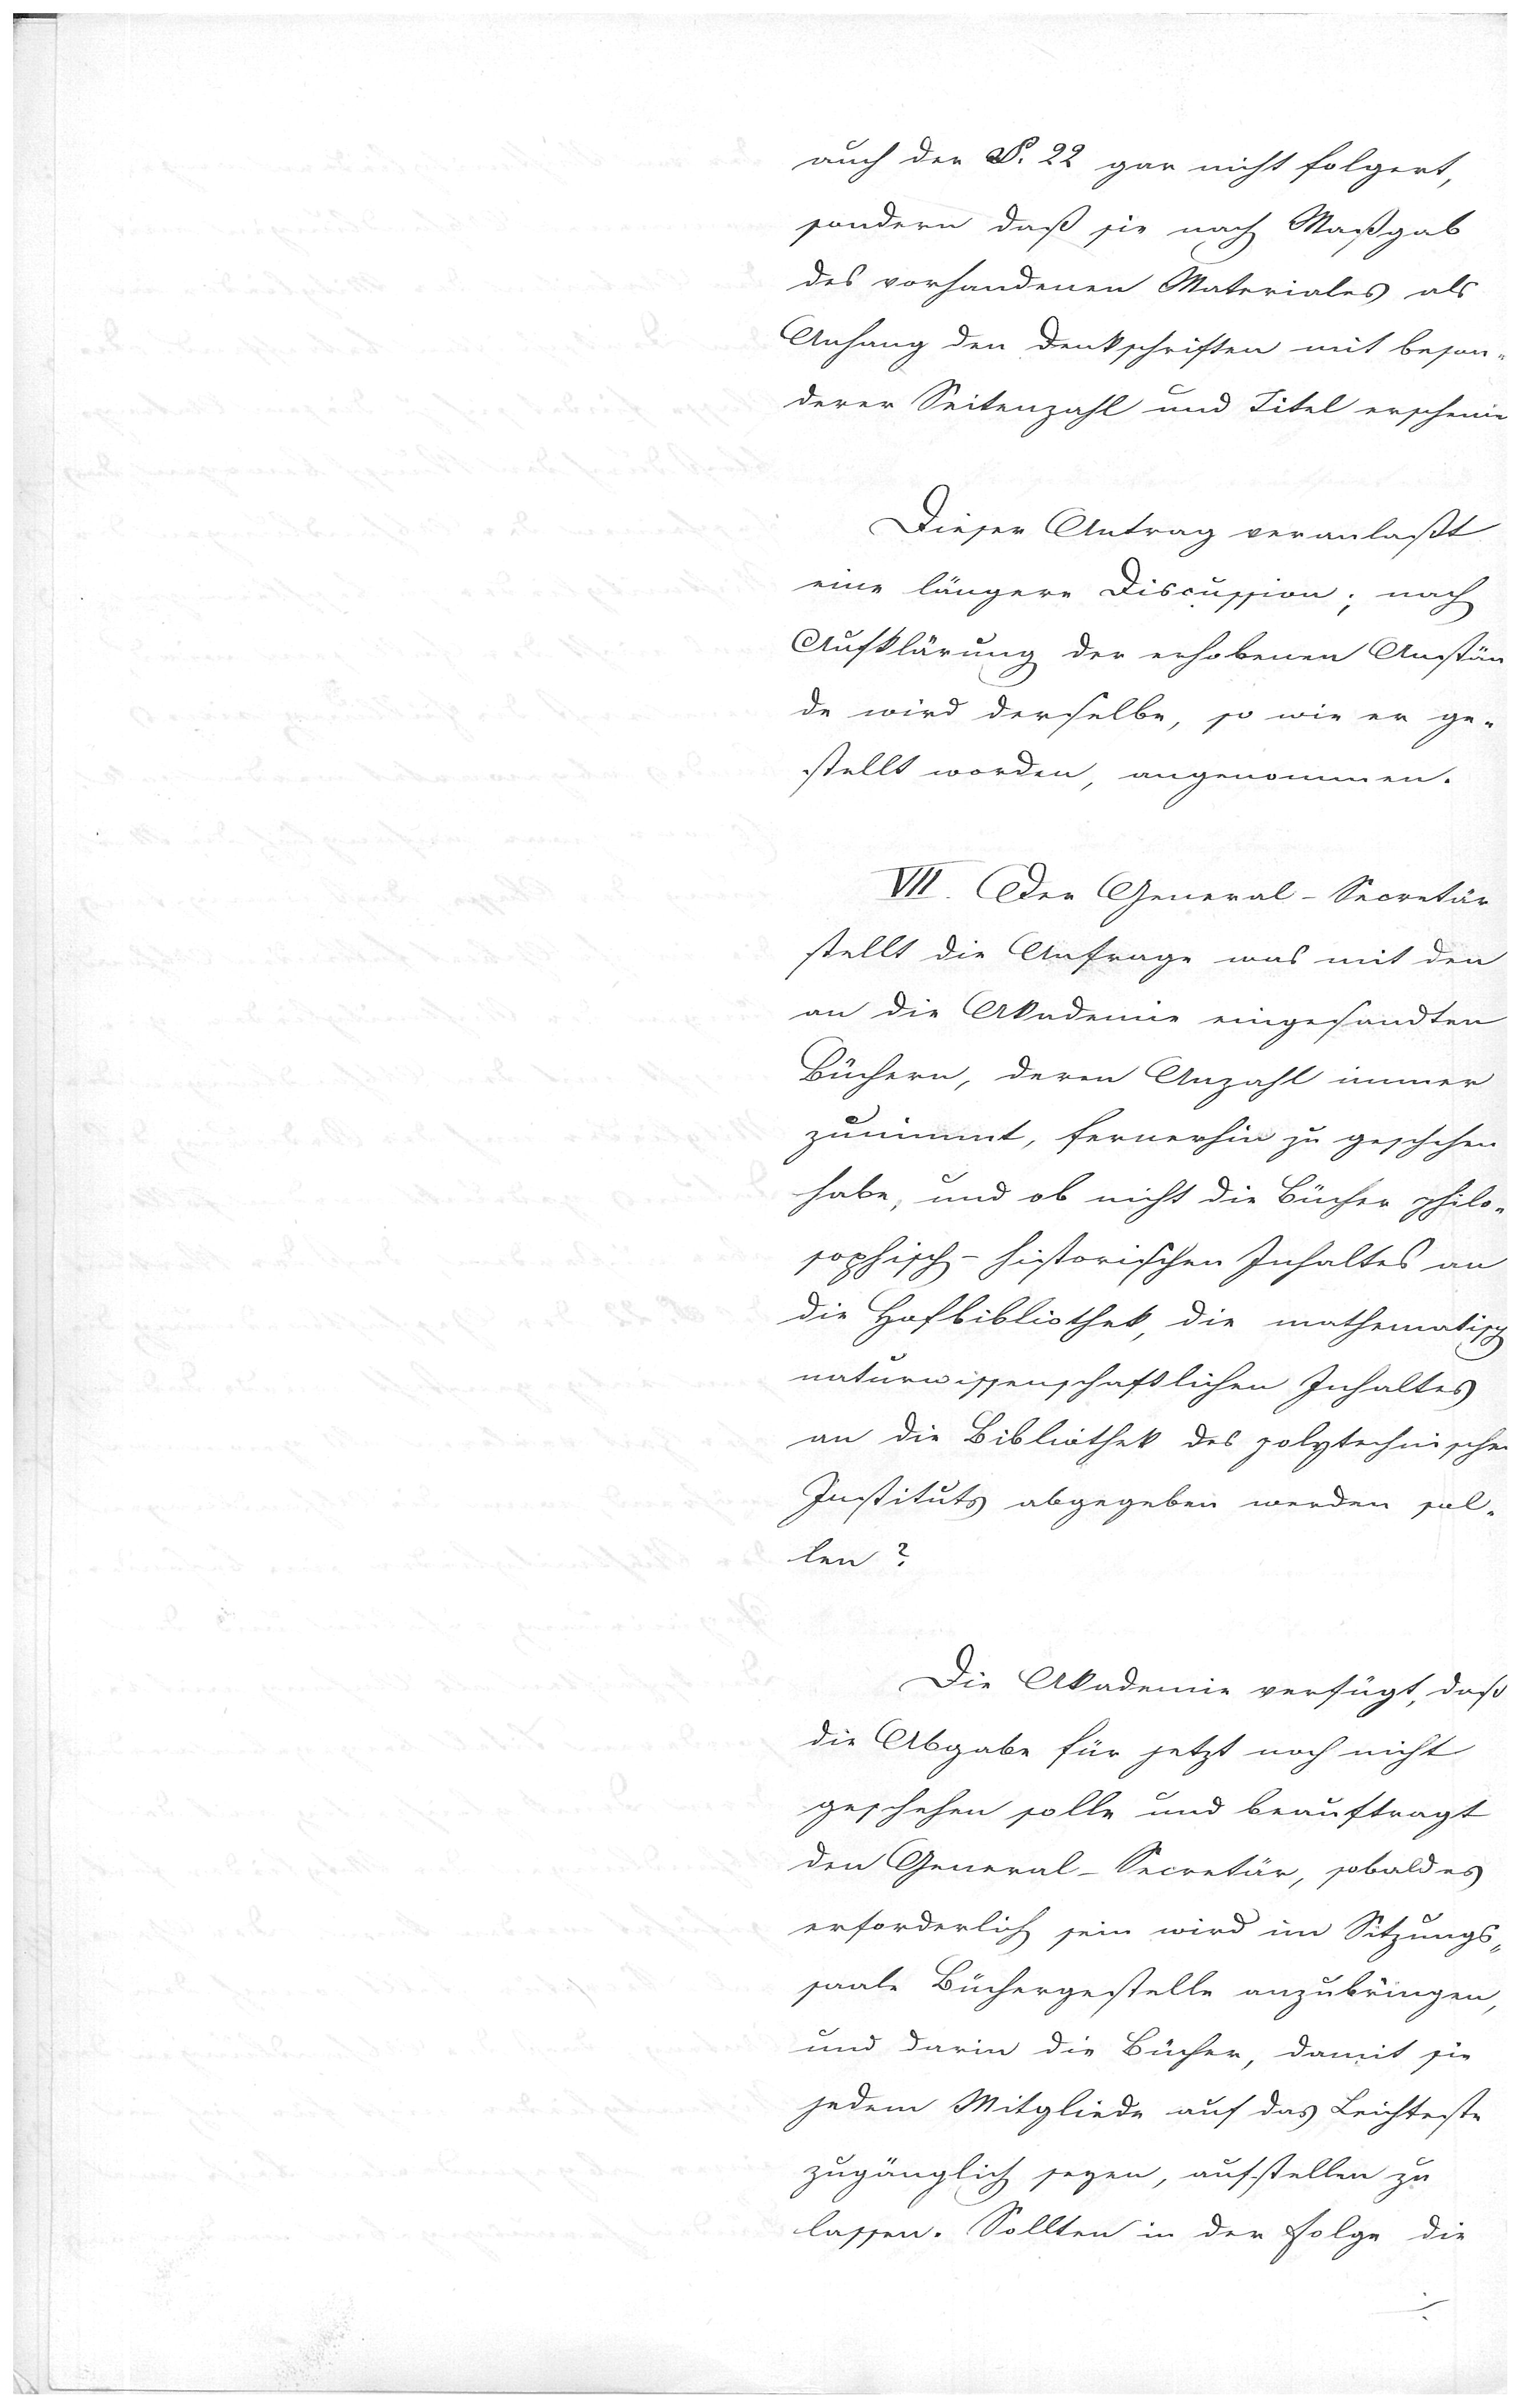auch der § 22 gar nicht folgert,
sondern daß sie nach Maßgab
des vorhandenen Materiales als
Anhang den Denkschriften mit beson-
derer Seitenzahl und Titel erscheine.
Dieser Antrag veranlaßt
eine längere Discussion; nach
Aufklärung der erhobenen Anstän-
de wird derselbe, so wie er ge-
stellt worden, angenommen.
VII. Der General-Secretär
stellt die Anfrage was mit den
an die Akademie eingesandten
Büchern, deren Anzahl immer
zunimmt, fernerhin zu geschehen
habe, und ob nicht die Bücher philo-
sophisch-historischen Inhaltes an
die Hofbibliothek, die mathematisch-
naturwissenschaftlichen Inhaltes
an die Bibliothek des polytechnischen
Instituts abgegeben werden sol-
len?
Die Akademie verfügt, daß
die Abgabe für jetzt noch nicht
geschehen solle und beauftragt
den General-Secretär, sobald es
erforderlich sein wird im Sitzungs-
saale Büchergestelle anzubringen,
und darin die Bücher, damit sie
jedem Mitgliede auf das Leichteste
zugänglich seyen, aufstellen zu
lassen. Sollten in der Folge die